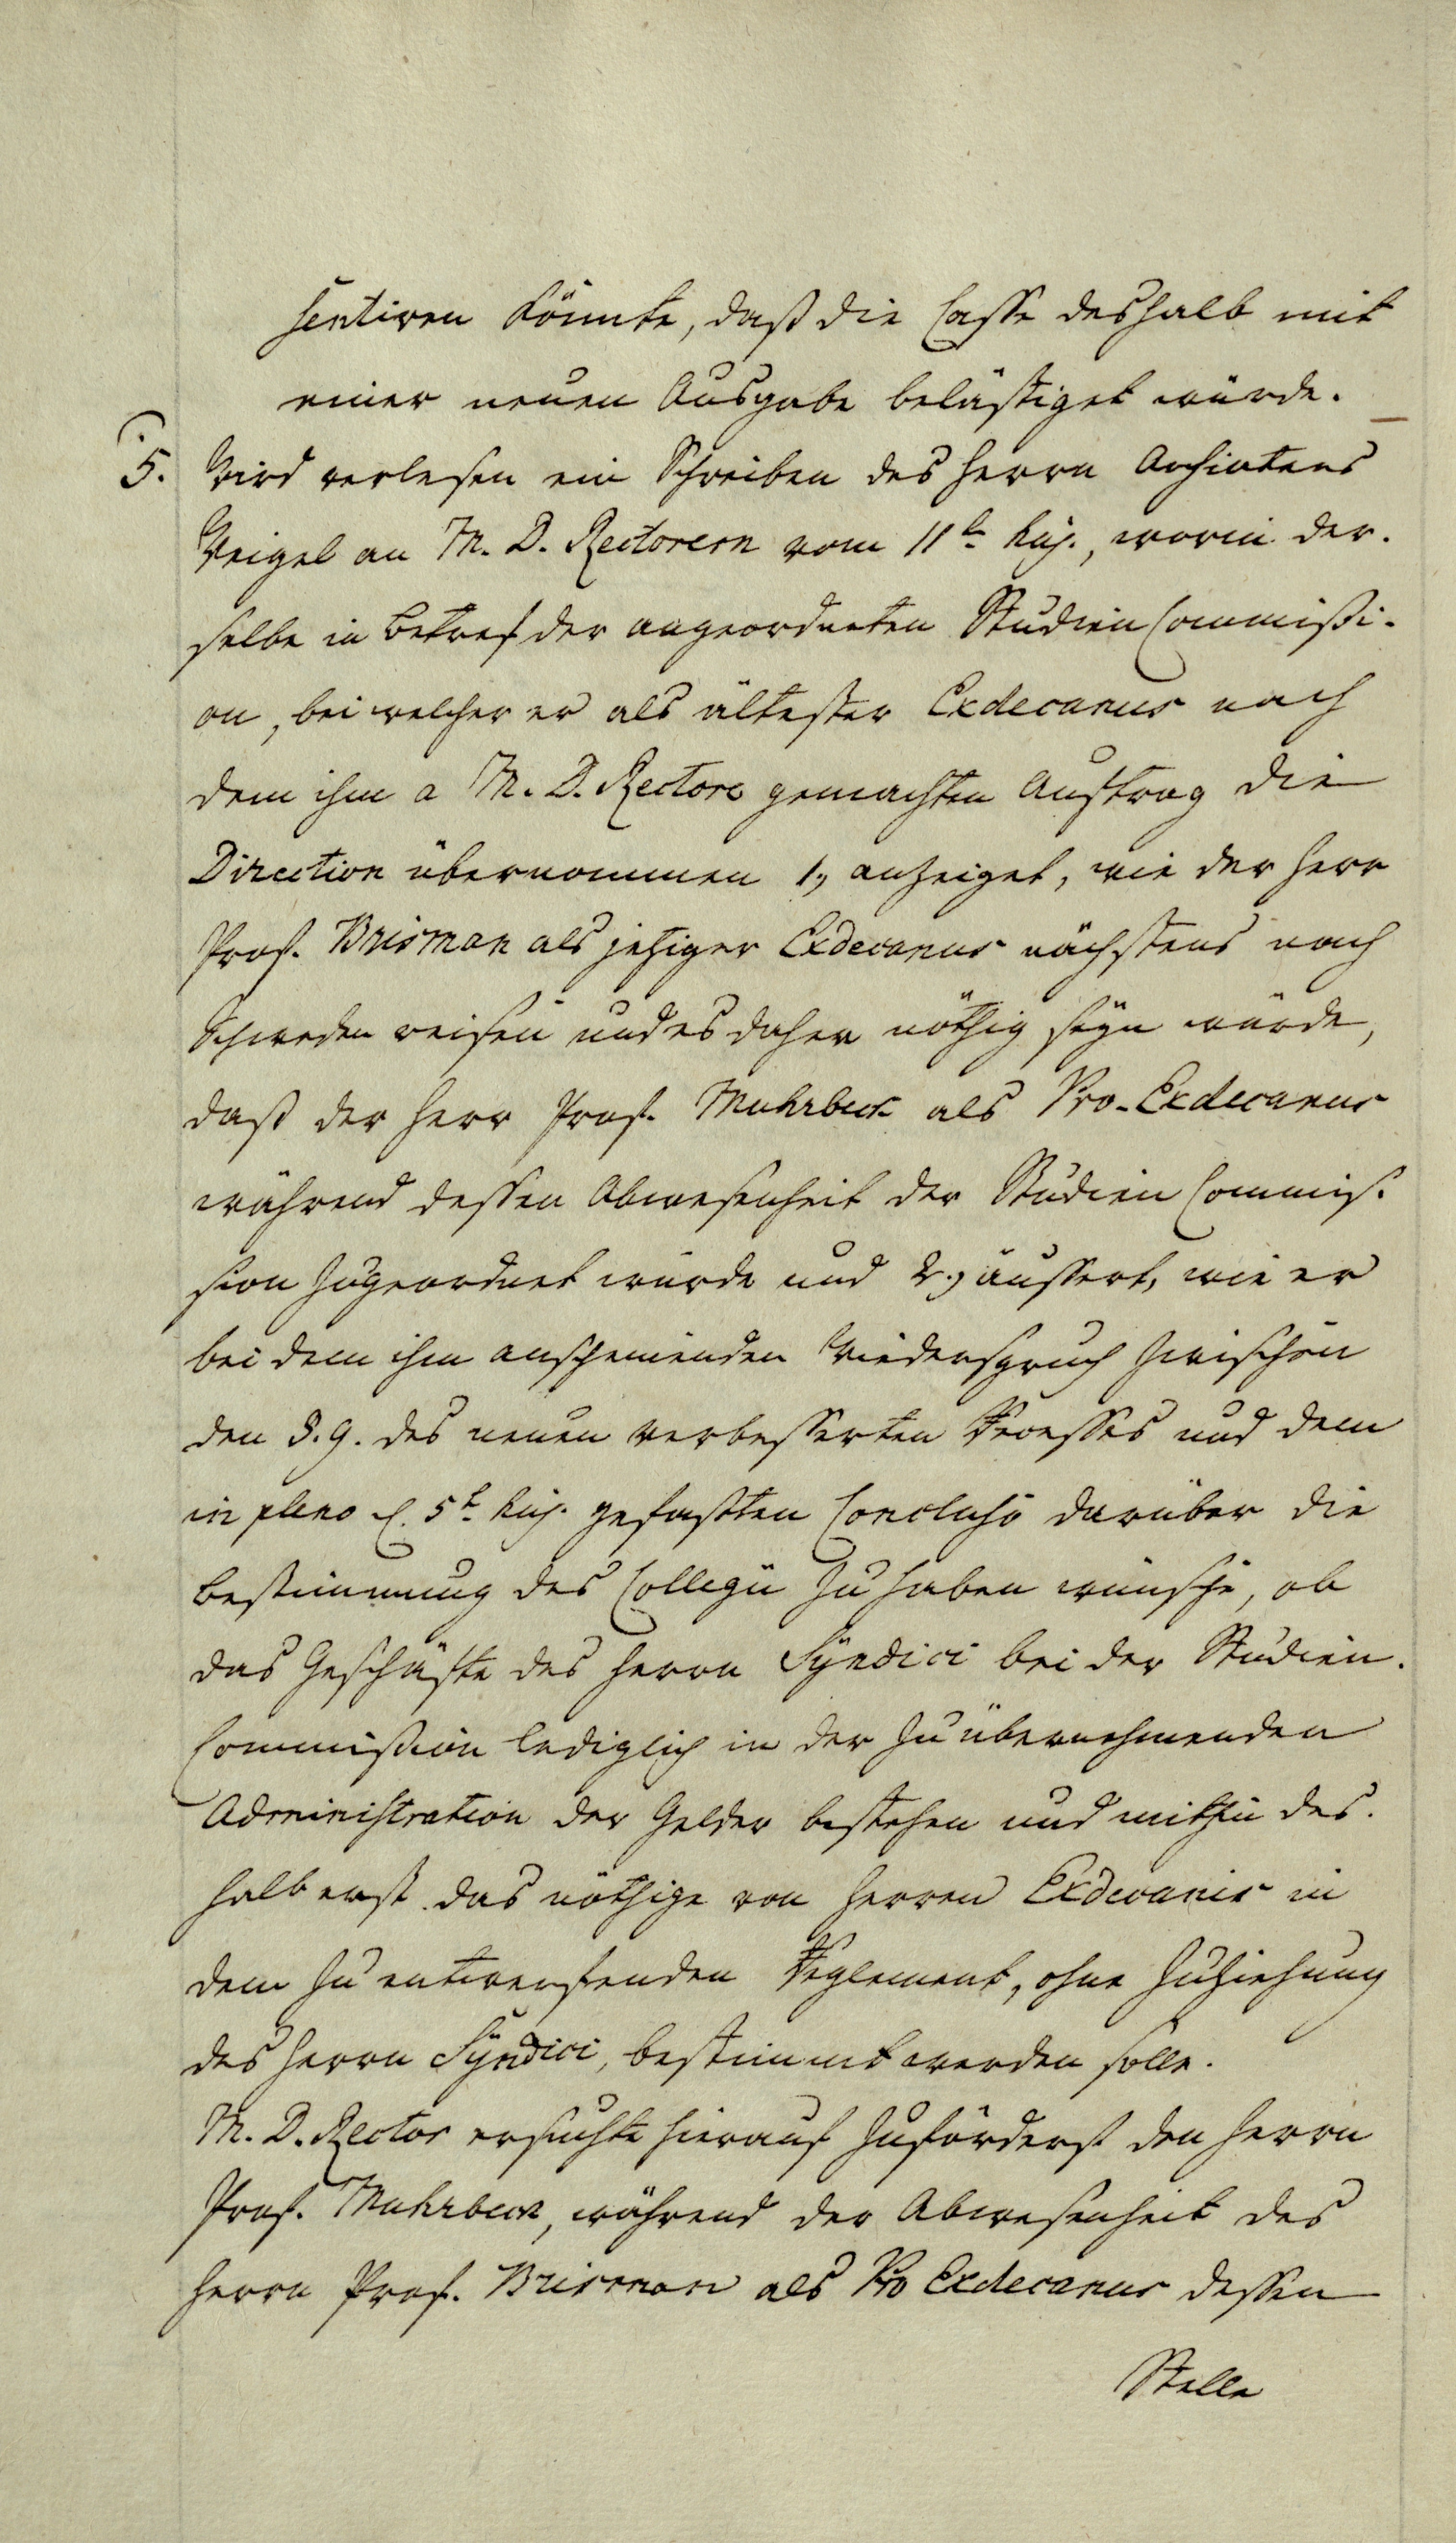sentiren könnte, daß die Casse deshalb mit
einer neuen Ausgabe belästiget würde.
5. Wird verlesen ein Schreiben des Herrn Archiaters
Weigel an M. D. Rectorem vom 11 ten huj., worin der¬
selbe in Betref der angeordneten StudienCommissi¬
on, bei welcher er als ältester Exdecanus nach
dem ihm a M. D. Rectore gemachten Auftrag die
Direction übernommen 1., anzeiget, wie der Herr
Prof. Brisman als jetziger Exdecanus nächstens nach
Schweden reisen und es daher nöthig seÿn würde,
daß der Herr Prof. Muhrbeck als Pro. Exdecanus
während dessen Abwesenheit der Studien Commis¬
sion zugeordnet würde und 2., äussert, wie er
bei dem ihm anscheinenden Wiederspruch zwischen
den §. 9. des neuen verbessrten Recesses und dem
in pleno d. 5 t. huj. gefaßten Concluso darüber die
Bestimmung des Collegii zu haben wünsche, ob
das Geschäfte des Herrn Sÿndici bei der Studien¬
Commission lediglich in der zu ünbernehmenden
Administration der Gelder bestehen und mithin des¬
halb erst das nöthige von Herren Exdeoanis in
dem zu entwerfenden Reglement, ohne Zuziehung
des Herrn Sÿndici, bestimmt werden solle.
M. D. Rector ersuchte hierauf zuförderst den Herrn
Prof. Muhrbeck, während der Abwesenheit des
Herrn Prof. Brisman als Pro Exdecanus dessen
Stelle